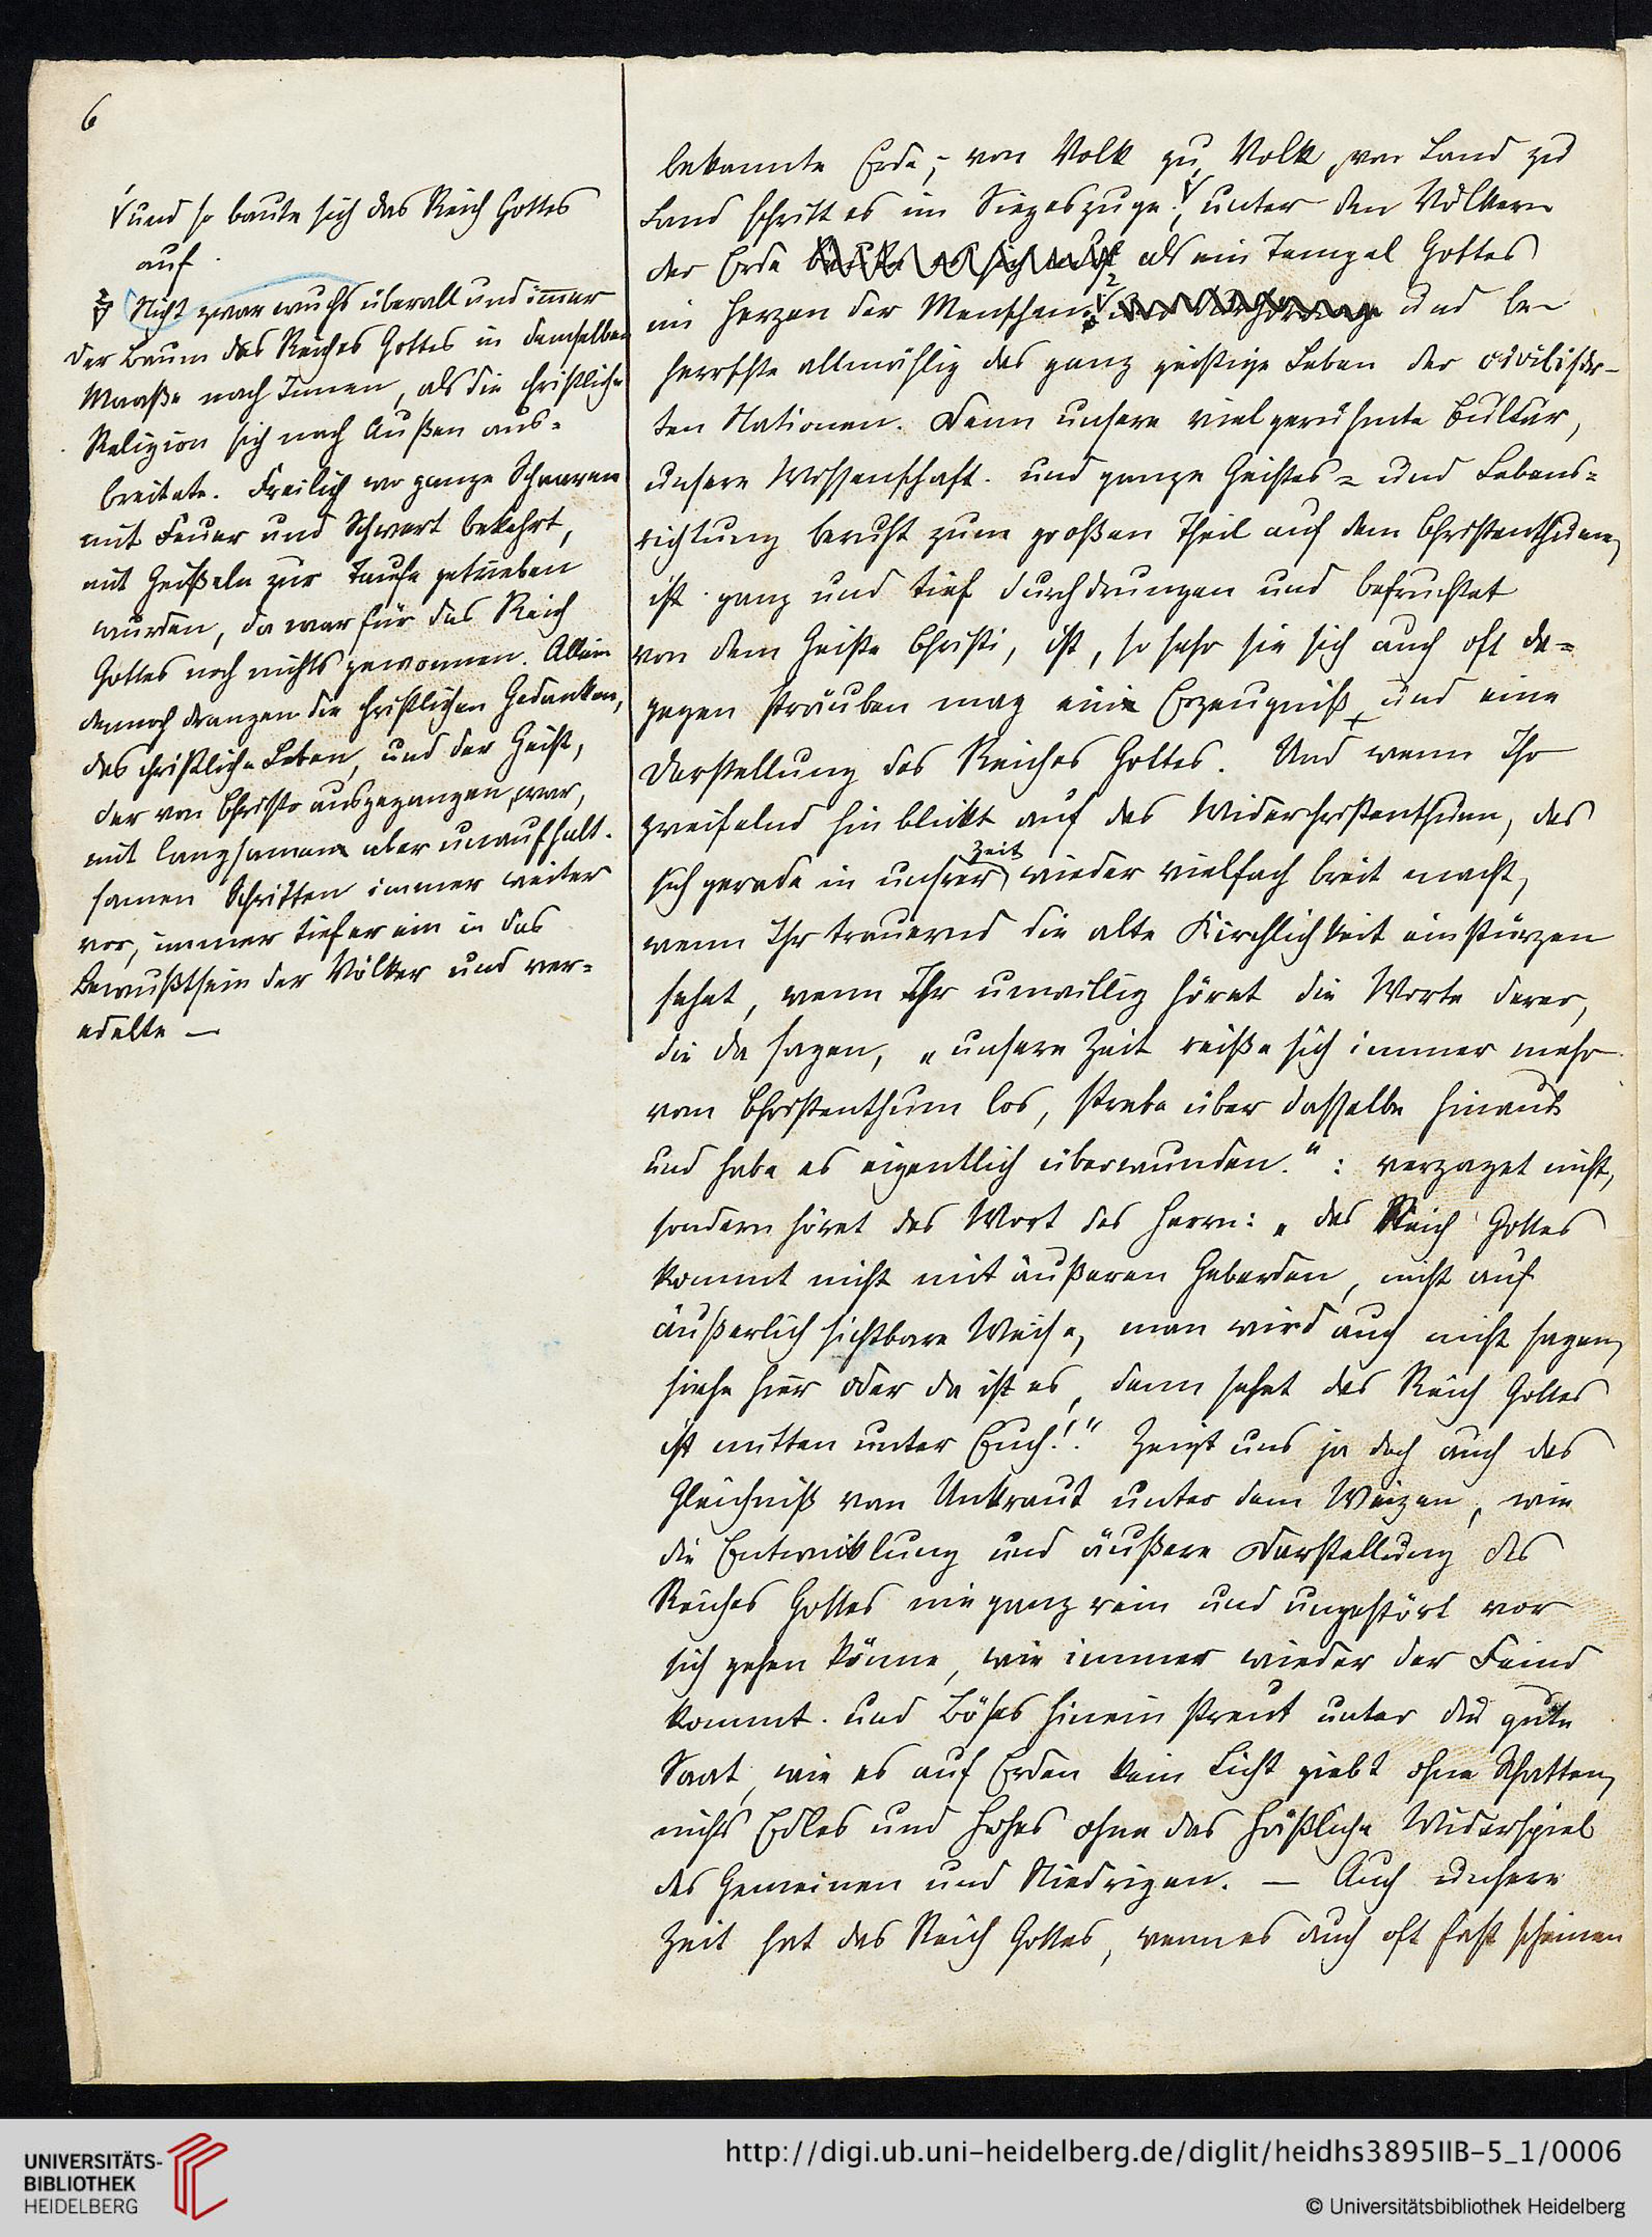6
V und so baute sich das Reich Gottes
auf.
V Nicht zwar wuchs überall und imer
der Baum des Reiches Gottes in demselben
Maaße nach Innen, als die christliche
Religion sich nach Außen aus¬
breitete. Freilich wo ganze Schaaren
mit Feuer und Schwert bekehrt,
mit Geißeln zur Taufe getrieben
wurden, da war für das Reich
Gottes noch nichts gewonnen. Allein
dennoch drangen die christlichen Gedanken,
das christliche Leben, und der Geist,
der von Christo ausgegangen, war,
mit langsamen aber unaufhalt¬
samen Schritten immer weiter
vor, immer tiefer ein in das
Bewußtsein der Völker und ver¬
edelte _
bekannte Erde; von Volk zu Volk, von Land zu
Land schritt es im Siegeszuge, V unter den Völkern
der Erde baute es sich auf als ein Tempel Gottes
im Herzen der Menschen., V und durchdrang und be¬
herrschte allmählig das ganz geistige Leben der civilisier¬
ten Nationen. Denn unsere vielgerühmte Cultur,
unsere Wissenschaft und ganze Geistes- und Lebens¬
richtung beruht zum großen Theil auf dem Christenthum,
ist ganz und tief durchdrungen und befruchtet
von dem Geiste Christi, ist, so sehr sie sich auch oft da¬
gegen stäuben mag eine Erzeugniß, und eine
Darstellung des Reiches Gottes. Und wenn Ihr
zweifelnd hinblickt auf das Widerchristenthum, das
Zeit
sich gerade in unserer wieder vielfach breit macht,
wenn Ihr trauernd die alte Kirchlichkeit einstürzen
seht, wenn Ihr unwillig höret die Worte derer,
die da sagen, "unsere Zeit rieße sich immer mehr
vom Christenthum los, strebe über dasselbe hinaus
und habe es eigentlich überwunden.": verzaget nicht,
sondern höret das Wort des Herrn: "das REich Gottes
kommt nicht mit äußeren Geberden, nicht auf
äußerlich sichtbare Weise, man wird auch nicht sagen,
siehe hier oder da ist es, denn sehet das Reich Gottes
ist mitten unter Euch!" Zeigt uns ja doch auch das
Gleichniß vom Unkraut unter dem Weizen, wie
die Entwicklung und äußere Darstellung des
Reiches Gottes nie ganz rein und ungestört vor
sich gehen könne, wie immer wieder der Feind
kommt und Böses hinein streut unter die gute
Saat, wie es auf Erden kein Licht giebt ohne Schatten,
nichts Edles und Hohes ohne das Häßliche Widerspiel
der Gemeinen und Niedrigen. _ Auch unsere
Zeit hat das Reich Gottes, wenn es auch oft fest scheinen